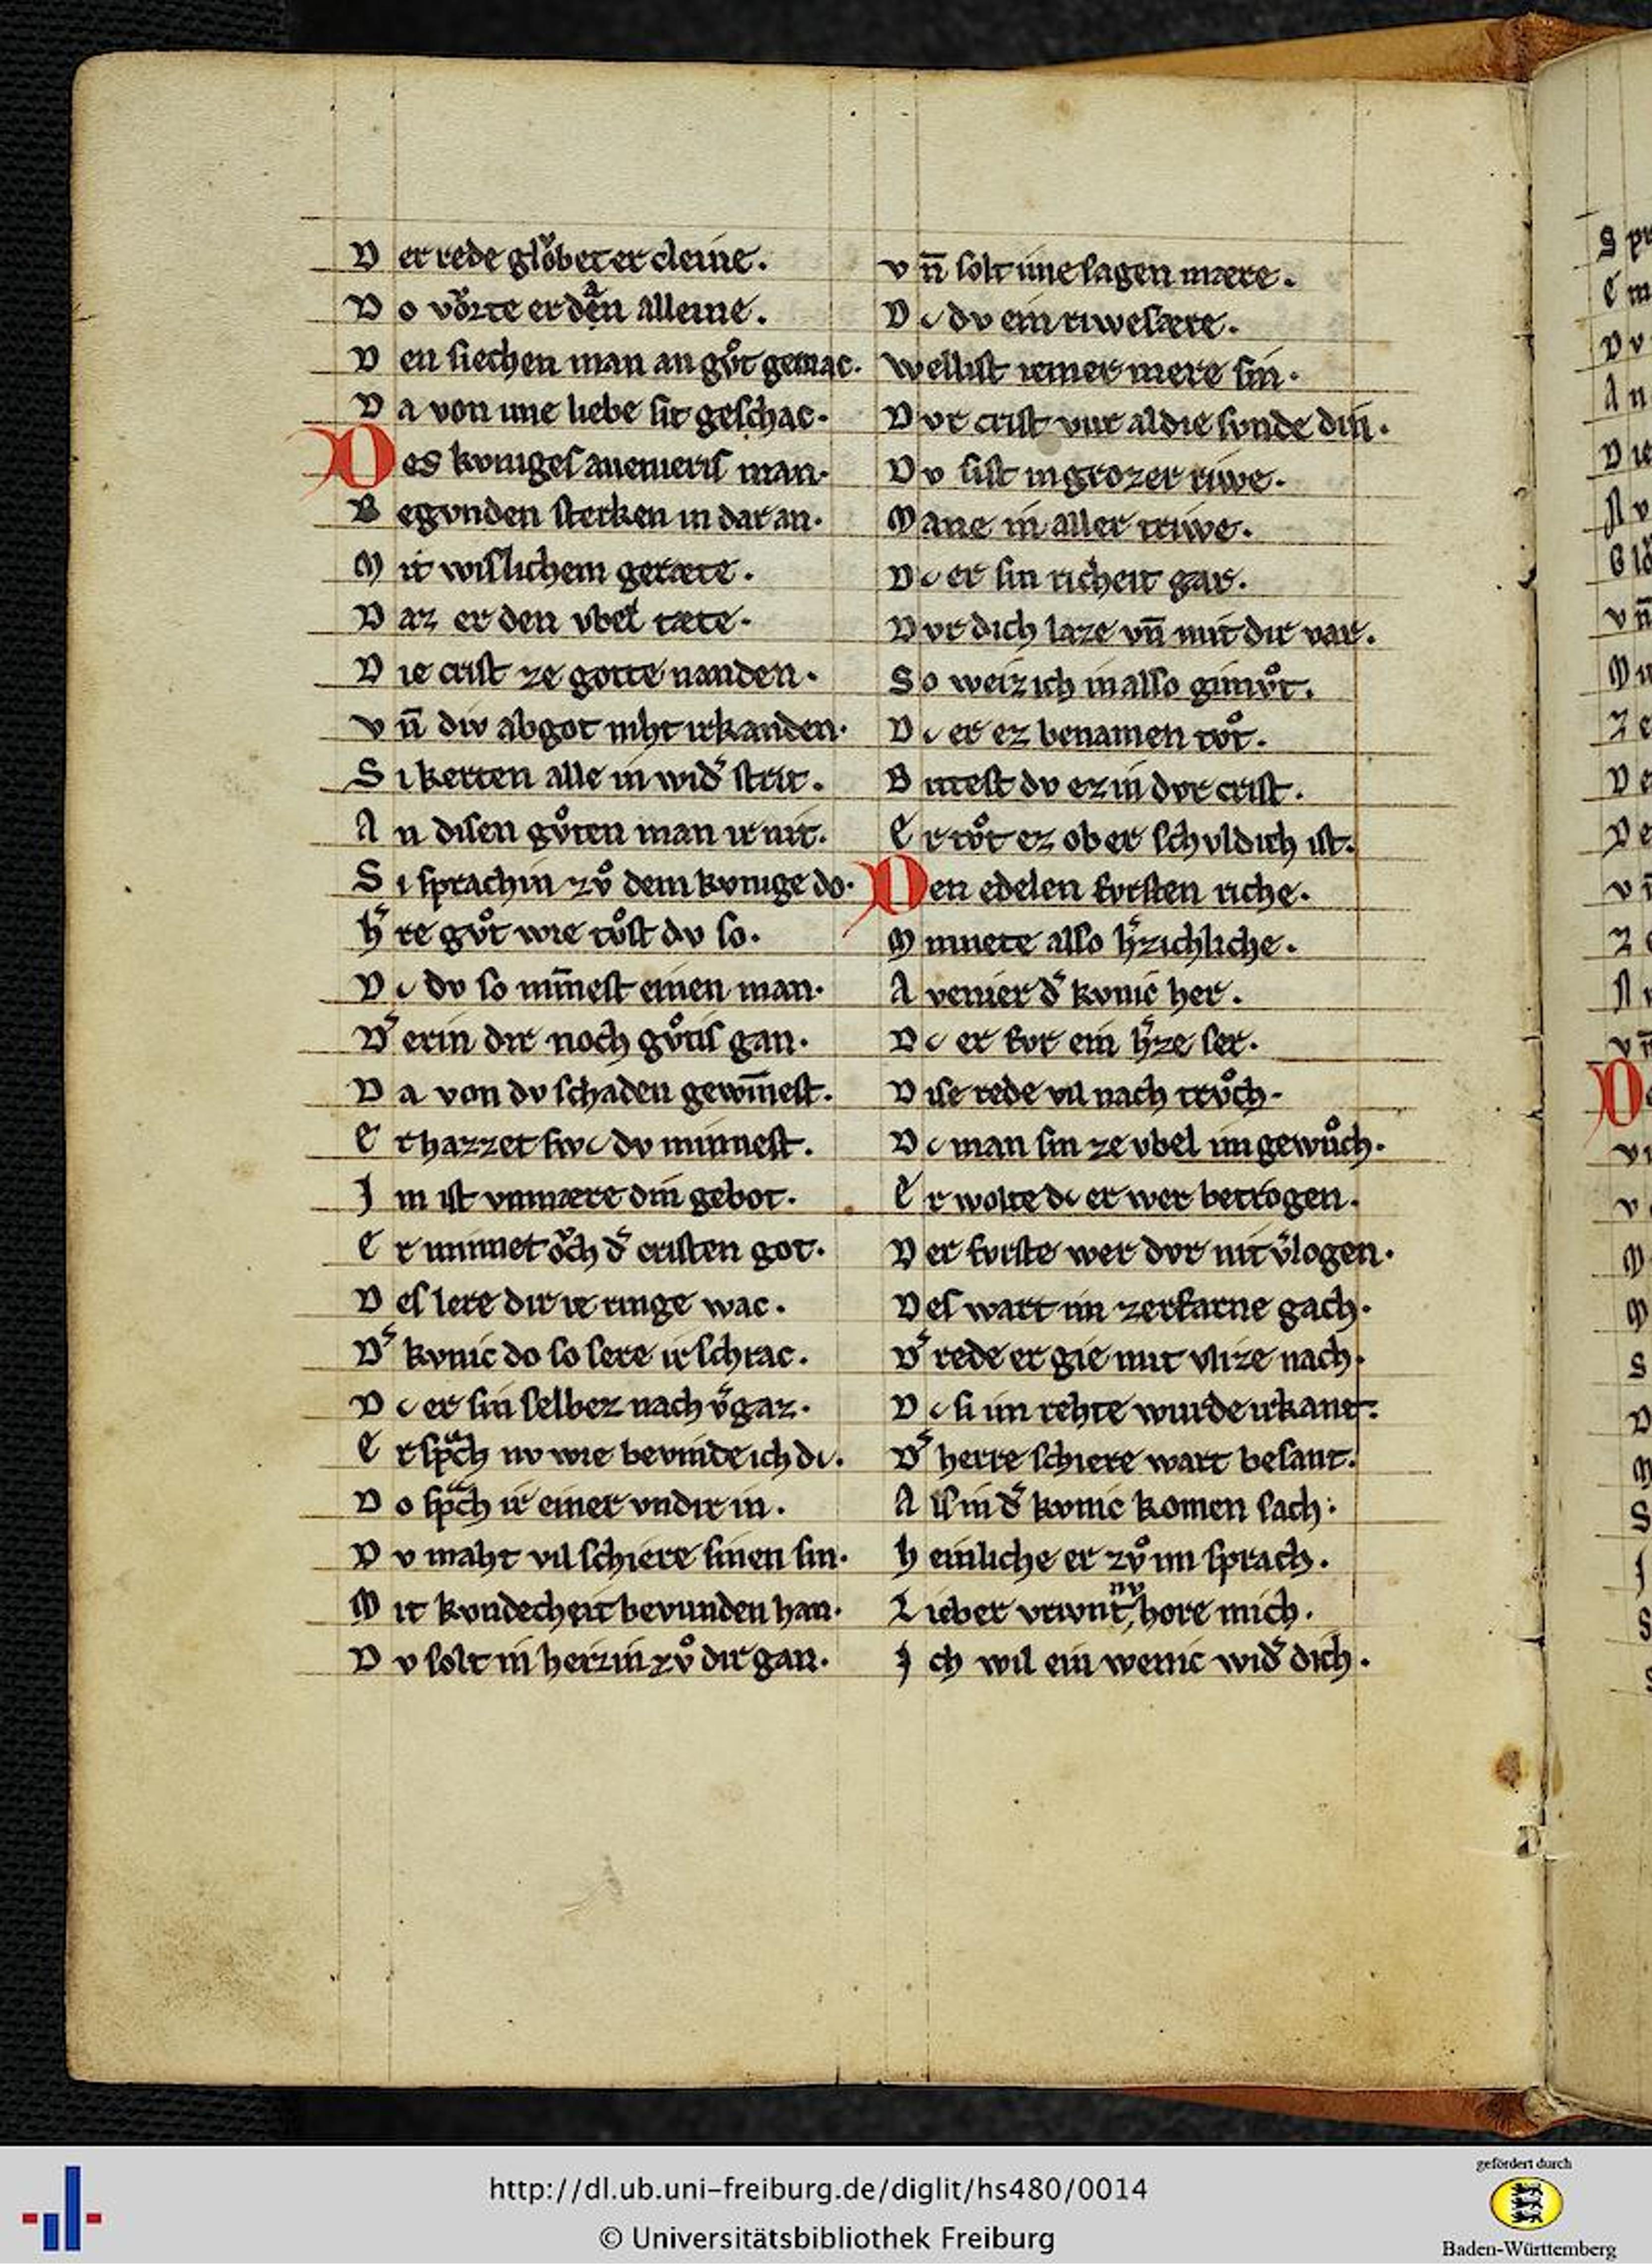Der rede glo°vbet er cleine.
Do vo°vrte er de°an alleine.
Den ſiechen man an gv°ot gemac.
Da von ime liebe ſit geſchac.
*Des kvnigeſ auenieriſ man.
Begvnden ſterken in dar an.
Mit wiſlichem ger[ae]te.
Daz er den vbel t[ae]te.
Die criſt ze gotte nanden.
Vn(d) div abgot niht irkanden.
Si kerten alle in wid(er) ſtrit.
An diſen gv°oten man ir nit.
Si ſprachin zv°o dem kvnige do.
H(er)re gv°ot wie tv°oſt dv ſo.
D(az) dv ſo mi(n)neſt einen man.
D(er) erin dir noch gv°otiſ gan.
Da von dv ſchaden gewi(n)neſt.
Er hazzet ſw(az) dv minneſt.
Im iſt vnm[ae]re din gebot.
Er minnet o°vch d(er) criſten got.
Deſ lere dir ie ringe wac.
D(er) kvnic do ſo ſere irſchrac.
D(az) er ſin ſelbez nach v(er)gaz.
Er ſp(ra)ch nv wie bevinde ich d(az).
Do ſp(ra)ch ir einer vndir in.
Dv maht vil ſchiere ſinen ſin.
Mit kvndecheit bevunden han.
Dv ſolt in heizin zv°o dir gan.
Vn(d) ſolt ime ſagen m[ae]re.
D(az) dv ein riweſ[ae]re.
Welliſt iemer mere ſin.
Dvr criſt vur aldie ſvnde din.
Dv ſiſt in grozer riwe.
Mane in aller triwe.
D(az) er ſin richeit gar.
Dvr dich laze vn(d) mit dir var.
So weiz ich in alſo gimv°ot.
D(az) er ez benamen tv°ot.
Bitteſt dv ez in dvr criſt.
Er tv°ot ez ob er ſchvldich iſt.
*Den edelen fvrſten riche.
Minnete alſo h(er)zichliche.
Avenier d(er) kvnic her.
D(az) er fvr ein h(er)ze ſer.
Diſe rede vil nach trv°och.
D(az) man ſin ze vbel im gewu°och.
Er wolte d(az) er wer betrogen.
Der fvrſte wer dvr nit v(er)logen.
Deſ wart im zerfarne gach.
D(er) rede er gie mit vlize nach.
D(az) ſi im rehte wurde irkant.
D(er) herre ſchiere wart beſant.
Alſ in d(er) kvnic komen ſach.
Heinliche er zv°o im ſprach.
Lieber vrivnt °(nv) hore mich.
Ich wil ein wenic wid(er) dich.